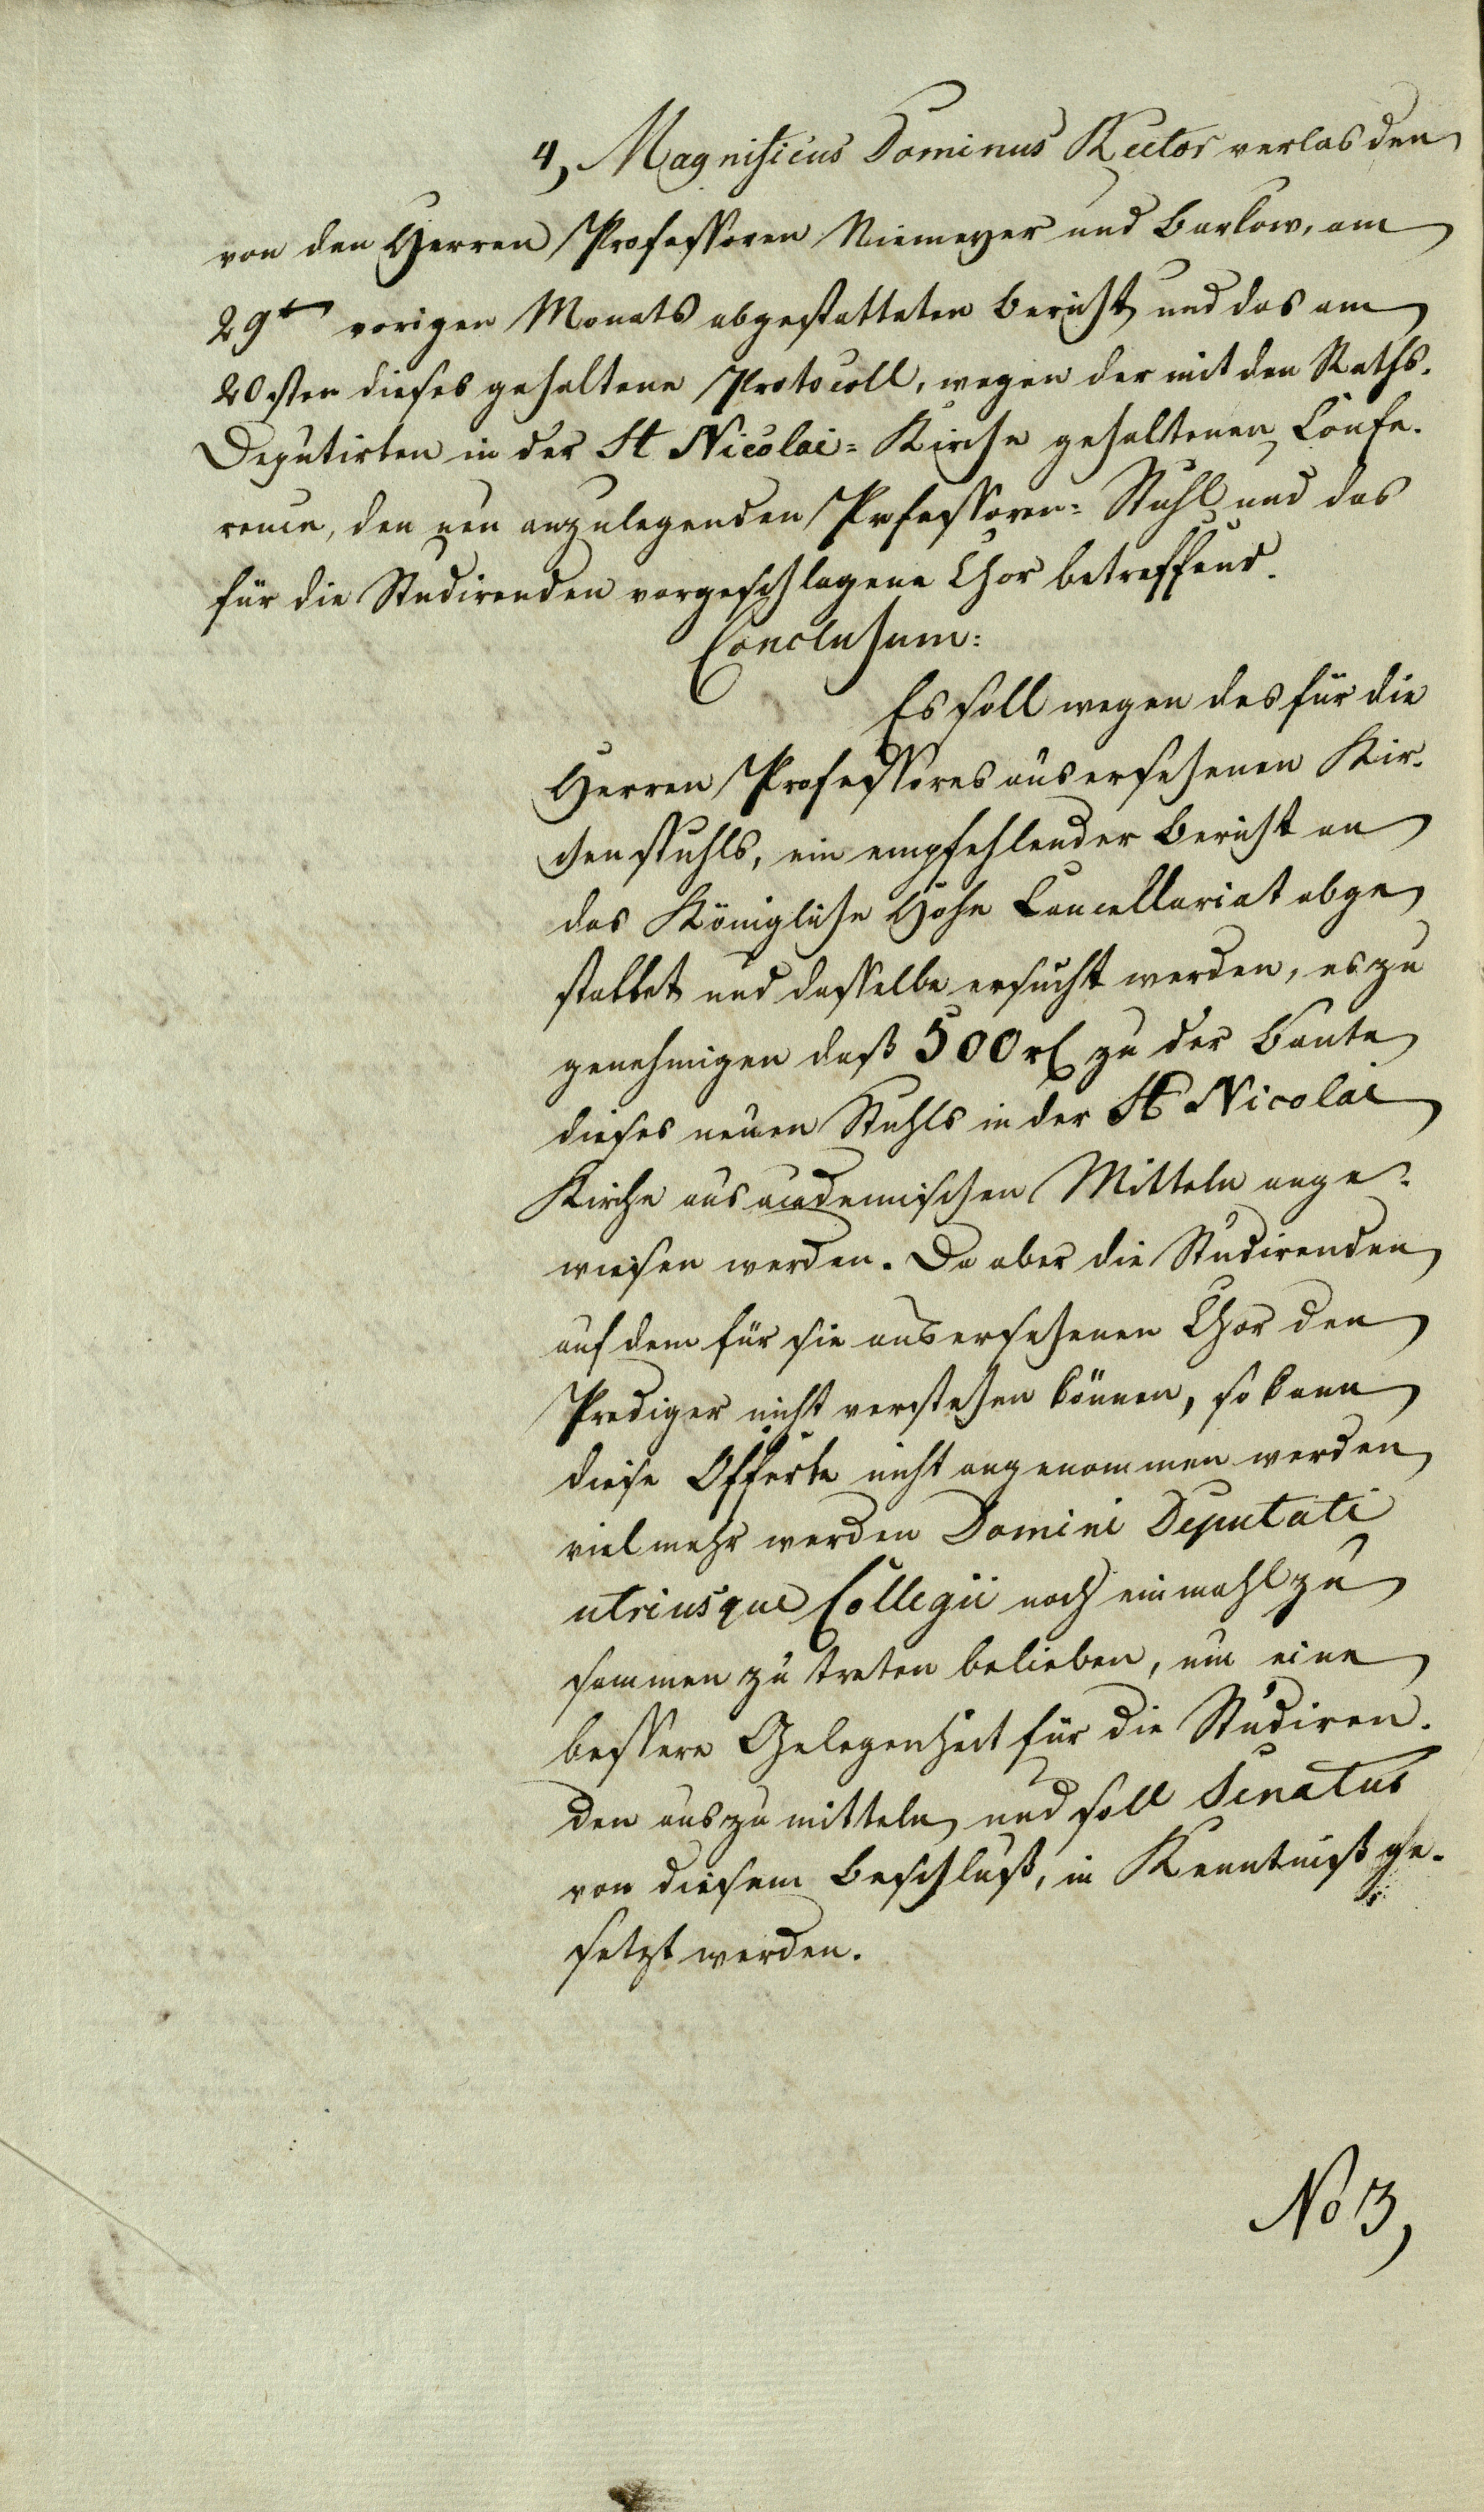4, Magnificus Dominus Rector verlas den,
von den Herren Professoren Niemeyer und Barkow, am
29sten vorigen Monats abgestatteten Bericht, und das am
20sten dieses gehaltene Protocoll, wegen der mit den Raths¬
Deputirten in der St Nicolai-Kirche gehaltenen Confe¬
rence, den neu anzulegenden Professoren-Stuhl und das
für die Studirenden vorgeschlagene Chor betreffend.
Conclusum:
Es soll wegen des für die
Herren Professores ausersehenen Kir¬
chenstuhls, ein empfehlender Bericht an
das Königliche Hohe Cancellariat abge¬
stattet und dasselbe ersucht werden, es zu
genehmigen daß 500 r zu der Baute
dieses neuen Stuhls in der St Nicolai
Kirche aus academischen Mitteln ange¬
wiesen werden. Da aber die Studirenden
auf dem für sie ausersehenen Chor den
Prediger nicht verstehen können, so kann
diese Offerte nicht angenommen werden
vielmehr werden Domini Deputati
utriusque Collegii noch einmahl zu
sammen zu treten belieben, um eine
bessere Gelegenheit für die Studiren¬
den auszumitteln und soll Senatus
von diesem Beschluß, in Kenntniß ge¬
setzt werden.
Nº 3,